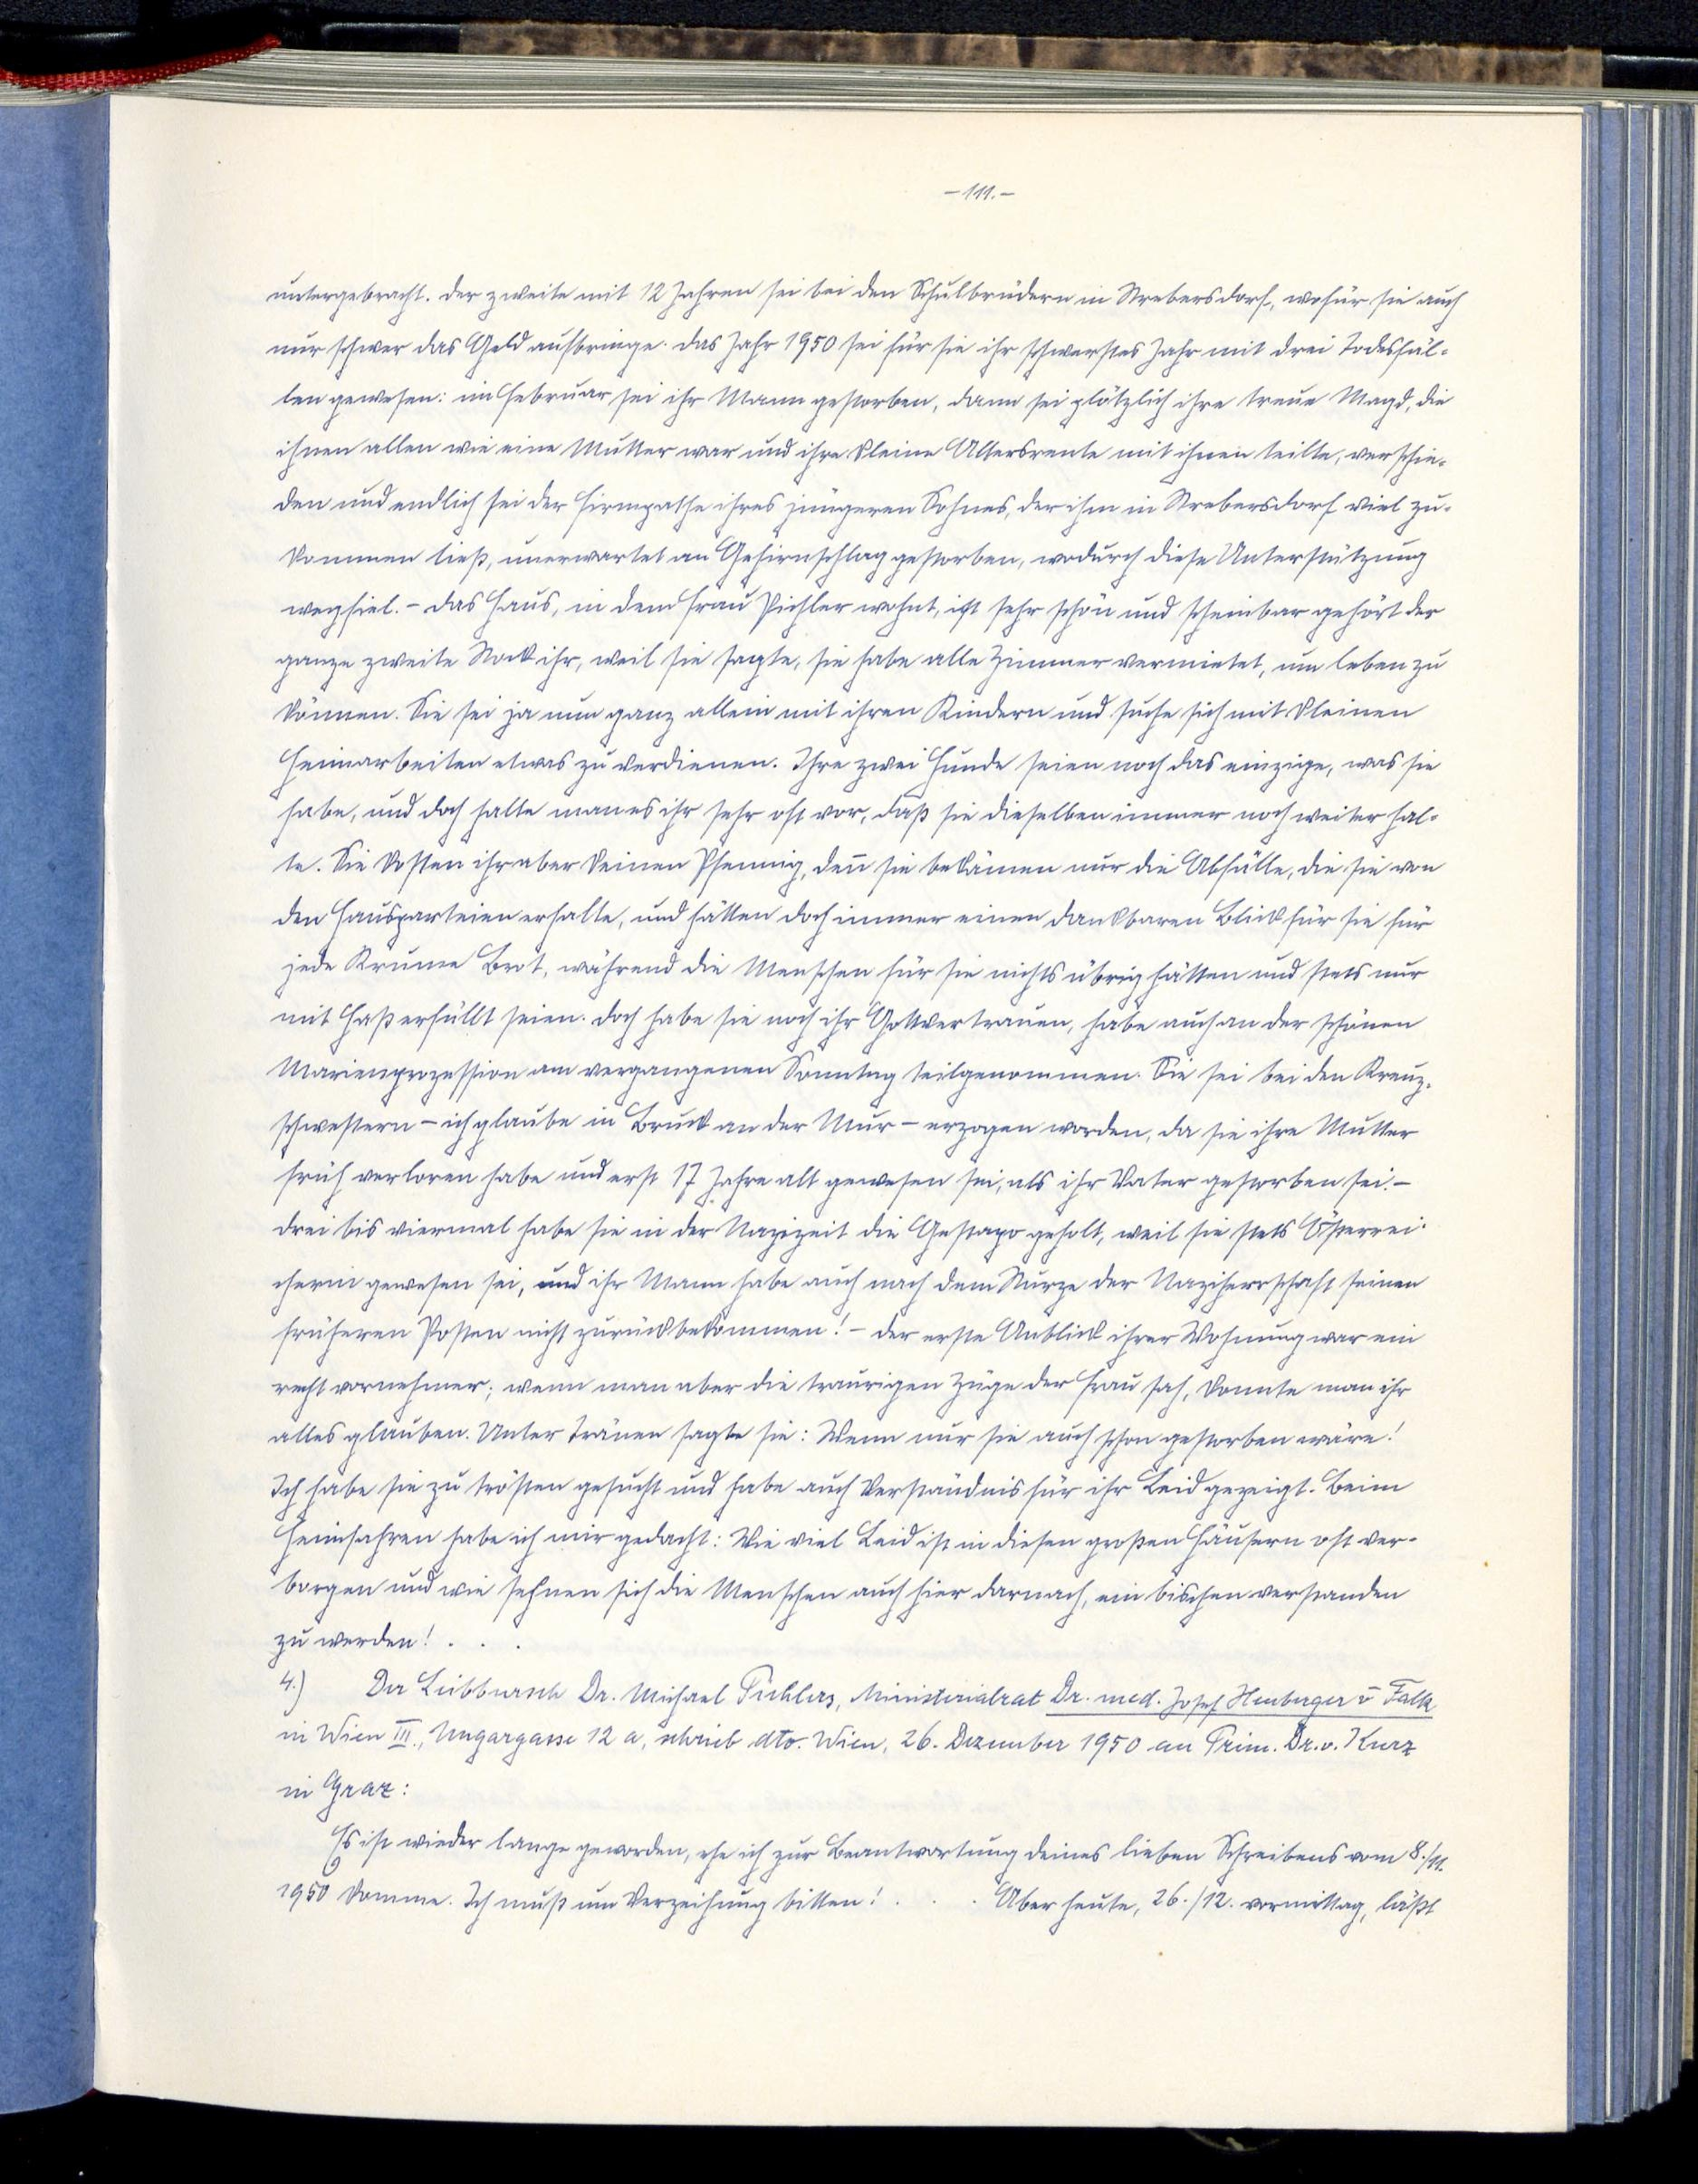111
untergebracht. Der zweiten mit 12 Jahren sein bei den Schulbrüdern in Strebersdorf, wofür sie auch
nur schwer das Geld aufbringe. Das Jahr 1950 sei für sie ihr schwerstes Jahr mit drei Todesfäl-
len gewesen: im Februar sei ihr Mann gestorben, dann sei plötzlich ihre treue Magd, die
ihnen allen wie eine Mutter war und ihre kleine Altersrente mit ihnen teilte, verschie-
den und endlich sei der Firmpathe ihres jüngeren Sohnes, der ihm in Strebersdorf viel zu-
kommen ließ, unerwartet an Gehirnschlag gestorben, wodurch diese Unterstützung
wegfiel.- Das Haus, in dem Frau Pichler wohnte, ist sehr schön und scheinbar gehört der
ganze zweite Stock ihr, weil sie sagte, sie habe alle Zimmer vermietet, um leben zu
können. Sie sei ja nun ganz allem mit ihren Kindern und suche sich mit kleinen
heimarbeiten etwas zu verdienen. Ihre zwei Hunder seien noch das einzige, was sie
habe, und doch halte man es ihr sehr oft vor, dass sie dieselben immer noch weiter hal-
te. Sie kosten ihr aber keinen Pfennig, den sie bekämen nur die Abfälle, die sie von
den Hausparteien erhalten, und hätten doch immer einen dankbaren Blick für sie für
jede Krume Brot, während die Menschen für sie nichts übrig hätten und stets nur
mit Haus erfüllt seien. Doch habe sie nach ihr Gottvertrauen, habe auch an der schönen
Marienprozession am vergangenen Sonntag teilgenommen. Sie sei bei den Kreuz-
schwestern - ich glaube in Bruck an der Mur- erzogen worden, da sie ihre Mutter
früh verloren habe und erst 17 Jahre alt gewesen sei, als ihr Vater gestorben sei.
Drei bis viermal habe sie in der Nazizeit die Gestapo geholt, weil sie stets Österrei-
cherin gewesen sei, und ihr Mann habe auch nach dem Sturze der Naziherrschaft seinen
früheren Posten nicht zurückbekommen!- Der erste Anblick ihrer Wohnung war ein
recht vornehmer; wenn man aber die traurigen Züge der Frau sah, konnte man ihr
alles glauben. Unter Tränen sagte sie: Wenn nur sie auch schon gestorben wäre!
Ich habe sie zu trösten gesucht und habe auch Verständnis für ihr Leid gezeigt. Beim
Heimfahren habe ich mir gedacht: Wie viel Leid ist in diesen großen Häusern oft ver
borgen und wie sehnen sich die Menschen auch hier darnach, ein bischen verstanden
zu werden!...
4)
Der Leibbursch Dr. Michael Pichlers, Ministerialrat Dr. med. Josef Hamberger v/o Falk
in Wien III, Ungargasse 12 a, schrieb dto. Wien, 26. Dezember 1950 an Prim. Dr. v. Kurz
in Graz:
Es ist wieder lange geworden, ehe ich zur Beantwortung deines lieben Schreibens vom 8./11
1950 komme. Ich muss um Verzeihung bitten!
Aber heute, 26. /12. Vormittag, lässt